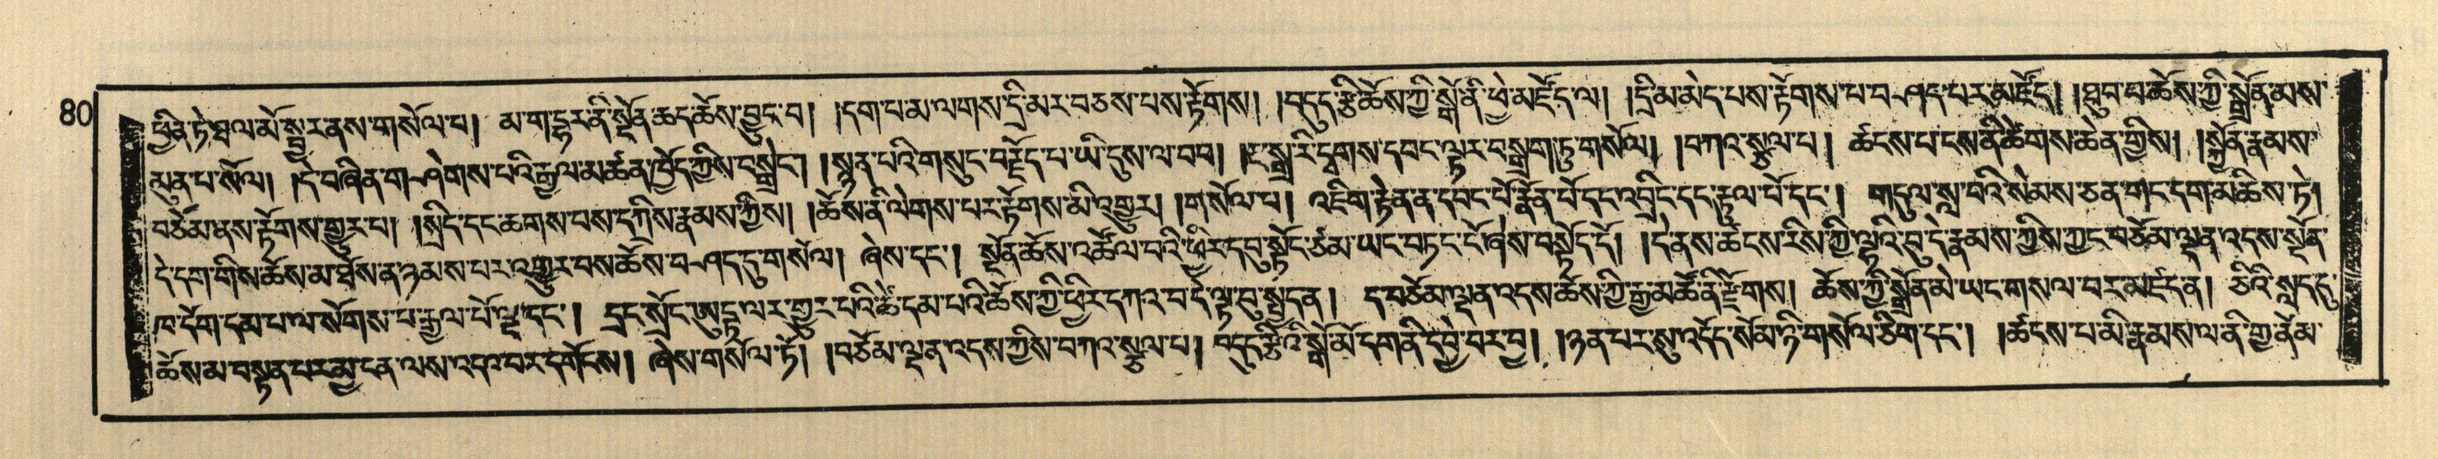ཕྱིན་ཏེ་ཐལ་མོ་སྦྱར་ནས་གསོལ་པ། མ་ག་དྷར་ནི་སྔོན་ཆད་ཆོས་བྱུང་བ། །དག་པ་མ་ལགས་དྲི་མར་བཅས་པས་རྟོགས། །བདུད་རྩི་ཆོས་ཀྱི་སྒོ་ནི་ཕྱེ་མཛོད་ལ། །དྲི་མ་མེད་པས་རྟོགས་པ་བཤད་པར་མཛོད། །ཐུབ་བ་ཆོས་ཀྱི་སྒྲོན་མས་
མུན་པ་སོལ། །དེ་བཞིན་གཤེགས་པའི་རྒྱལ་མཚན་ཁྱོད་ཀྱིས་བསྒྲེང་། །སྙན་པའི་གསུང་བརྗོད་པ་ཡི་དུས་ལ་བབ། །རྔ་སྒྲ་རི་དྭགས་དབང་ལྟར་བསྒྲག་ཏུ་གསོལ། །བཀའ་སྩལ་པ། ཚངས་པ་ངས་ནི་ཚེགས་ཆེན་གྱིས། །སྐྱོན་རྣམས་
བཅོམ་ནས་རྟོགས་གྱུར་པ། །སྲིད་དང་ཆགས་པས་དཀྲིས་རྣམས་ཀྱིས། །ཆོས་ནི་ལེགས་པར་རྟོགས་མི་འགྱུར། །གསོལ་པ། འཇིག་རྟེན་ན་དབང་པོ་རྣོན་པོ་དང་འབྲིང་དང་རྟུལ་པོ་དང་། གདུལ་སླ་བའི་སེམས་ཅན་གང་དག་མཆིས་ཏེ།
དེ་དག་གིས་ཆོས་མཐོས་ན་ཉམས་པར་འགྱུར་བས་ཆོས་བཤད་དུ་གསོལ། ཞེས་དང་། སྔོན་ཆོས་འཚོལ་བའི་ཕྱིར་དབུ་སྟོང་ཙམ་ཡང་བཏང་ངོ་ཞེས་བསྟོད་དོ། །དེ་ནས་ཚངས་རིས་ཀྱི་ལྷའི་བུ་དེ་རྣམས་ཀྱིས་ཀྱང་བཅོམ་ལྡན་འདས་སྔོན་
ཁ་དོག་དམ་པ་ལ་སོགས་པ་རྒྱལ་པོ་ལྔ་དང་། དྲང་སྲོང་ཨུདྟ་ལར་གྱུར་པའི་ཚེ་དམ་པའི་ཆོས་ཀྱི་ཕྱིར་དཀའ་བ་དེ་ལྟ་བུ་སྤྱད་ན། ད་བཅོམ་ལྡན་འདས་ཆོས་ཀྱི་རྒྱ་མཚོ་ནི་རྫོགས། ཆོས་ཀྱི་སྒྲོན་མེ་ཡང་གསལ་བར་མཛད་ན། ཅིའི་སླད་དུ་
ཆོས་མ་བསྟན་པར་མྱ་ངན་ལས་འདའ་བར་དགོངས། ཞེས་གསོལ་ཏོ། །བཅོམ་ལྡན་འདས་ཀྱིས་བཀའ་སྩལ་པ། བདུད་རྩིའི་སྒོ་མོ་དག་ནི་དབྱེ་བར་བྱ། །ཉན་པར་སུ་འདོད་སོམ་ཉི་གསོལ་ཅིག་དང་། །ཚངས་པ་མི་རྣམས་ལ་ནི་གྱ་ནོམ་